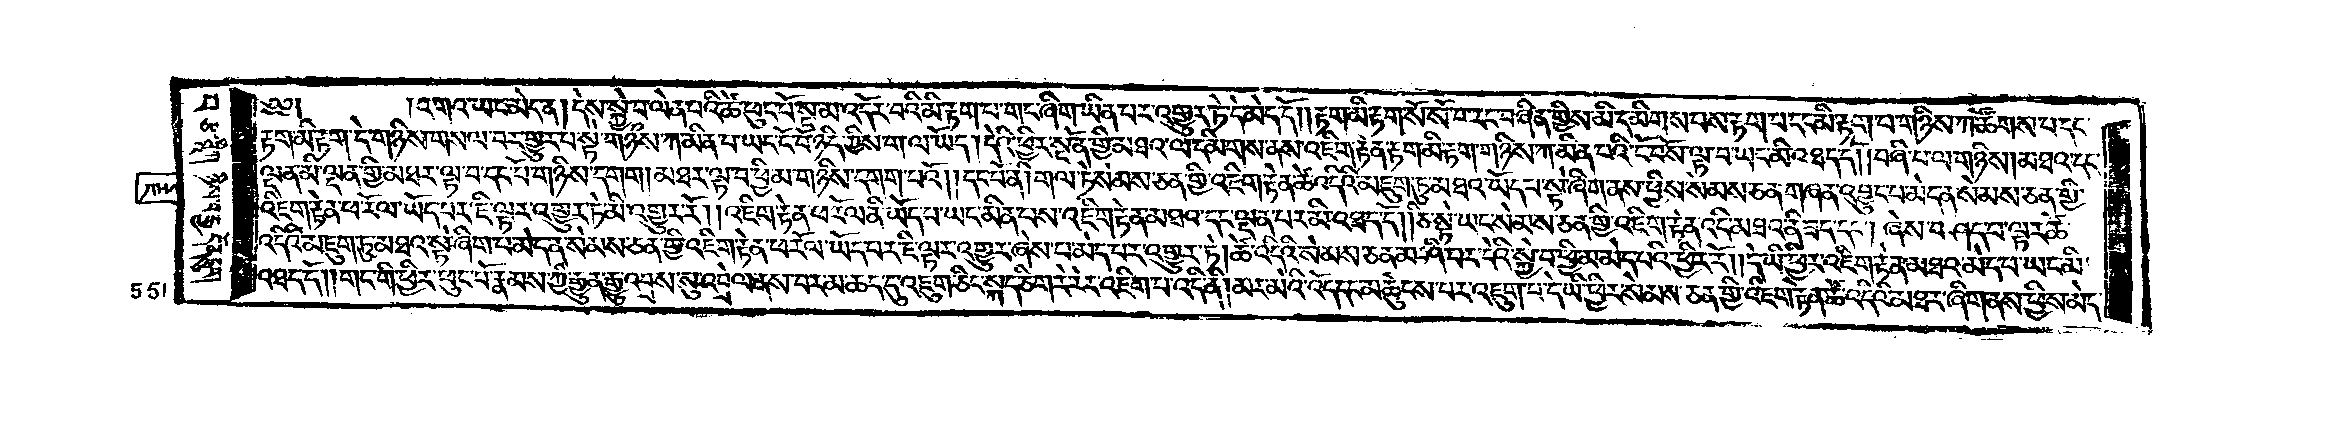༄༅། །དགའ་ཡང་མེད་ན། དེས་སྐྱེ་བ་ལེན་པའི་ཚེ་ཕུང་པོ་སྔ་མ་འདོར་བའི་མི་རྟག་པ་གང་ཞིག་ཡིན་པར་འགྱུར་ཏེ་དེ་མེད་དོ། །རྟག་མི་རྟག་སོ་སོ་བ་རང་བཞིན་གྱིས་མི་དམིགས་པས་རྟག་པ་དང་མི་རྟག་པ་གཉིས་ཀ་ཚོགས་པ་དང་
རྟག་མི་རྟག་དེ་གཉིས་གསལ་བར་གྱུར་པ་སྟེ་གཉིས་ཀ་མིན་པ་ཡང་ངོ་བོ་ཉིད་ཀྱིས་ག་ལ་ཡོད། དེའི་ཕྱིར་སྔོན་གྱི་མཐའ་ལ་དམིགས་ནས་འཇིག་རྟེན་རྟག་མི་རྟག་གཉིས་ཀ་མིན་པའི་ངོ་བོས་ལྟ་བ་ཡང་མི་འཐད་དོ། །བཞི་པ་ལ་གཉིས། མཐའ་དང་
ལྡན་མི་ལྡན་གྱི་མཐར་ལྟར་བ་དང་པོ་གཉིས་དགག། མཐར་ལྟ་བ་ཕྱི་མ་གཉིས་དགག་པའོ། །དང་པོ་ནི། གལ་ཏེ་སེམས་ཅན་གྱི་འཇིག་རྟེན་ཚེ་འདིའི་མཇུག་ཏུ་མཐའ་ཡོད་པ་སྟེ་ཞིག་ནས་ཕྱིས་སེམས་ཅན་གཞན་འབྱུང་བ་མེད་ན་སེམས་ཅན་གྱི་
འཇིག་རྟེན་ཕ་རོལ་ཡོད་པར་ཇི་ལྟར་འགྱུར་ཏེ་མི་འགྱུར་རོ། །འཇིག་རྟེན་ཕ་རོལ་ནི་ཡོད་པ་ཡང་ཡིན་པས་འཇིག་རྟེན་མཐའ་དང་ལྡན་པར་མི་འཐད་དོ། །ཅི་སྟེ་ཡག་སེམས་ཅན་གྱི་འཇིག་རྟེན་འདི་མཐའ་ནི་ཟད་དང་། ཞེས་བཤད་པ་ལྟར་ཚེ་
འདིའོ་མཇུག་ཏུ་མཐའ་སྟེ་ཞིག་པ་མེད་ན་སེམས་ཅན་གྱི་འཇིག་རྟེན་ཕ་རོལ་ཡོད་པར་ཇི་ལྟར་འགྱུར་ཞས་པ་མེད་པར་འགྱུར་ཏེ། ཚེ་འདིའོ་སེམས་ཅན་མ་ཤི་བར་དེའི་སྐྱེ་བ་ཕྱི་མ་མེད་པའི་ཕྱི་རོ། །དེ་ཡི་ཕྱིར་འཇིག་རྟེན་མཐའ་མེད་པ་ཡང་མི་
འཐད་དོ། །གང་གི་ཕྱིར་ཕུང་པོ་རྣམས་ཀྱི་རྒྱུན་རྒྱུ་འབྲས་སུ་འབྲལ་ནས་བར་མ་ཆད་དུ་འཇུག་ཆིང་སྐད་ཅིག་རེ་རེར་འཇིག་པ་འདི་ནི། མར་མེའི་འོད་དང་མཚུངས་པར་འཇུག་པ་དེ་ཡི་ཕྱིར་སེམས་ཅན་གྱི་འཇིག་རྟེན་ཚེ་འདིའི་མཐར་ཞིག་ནས་བྱིས་མེད་